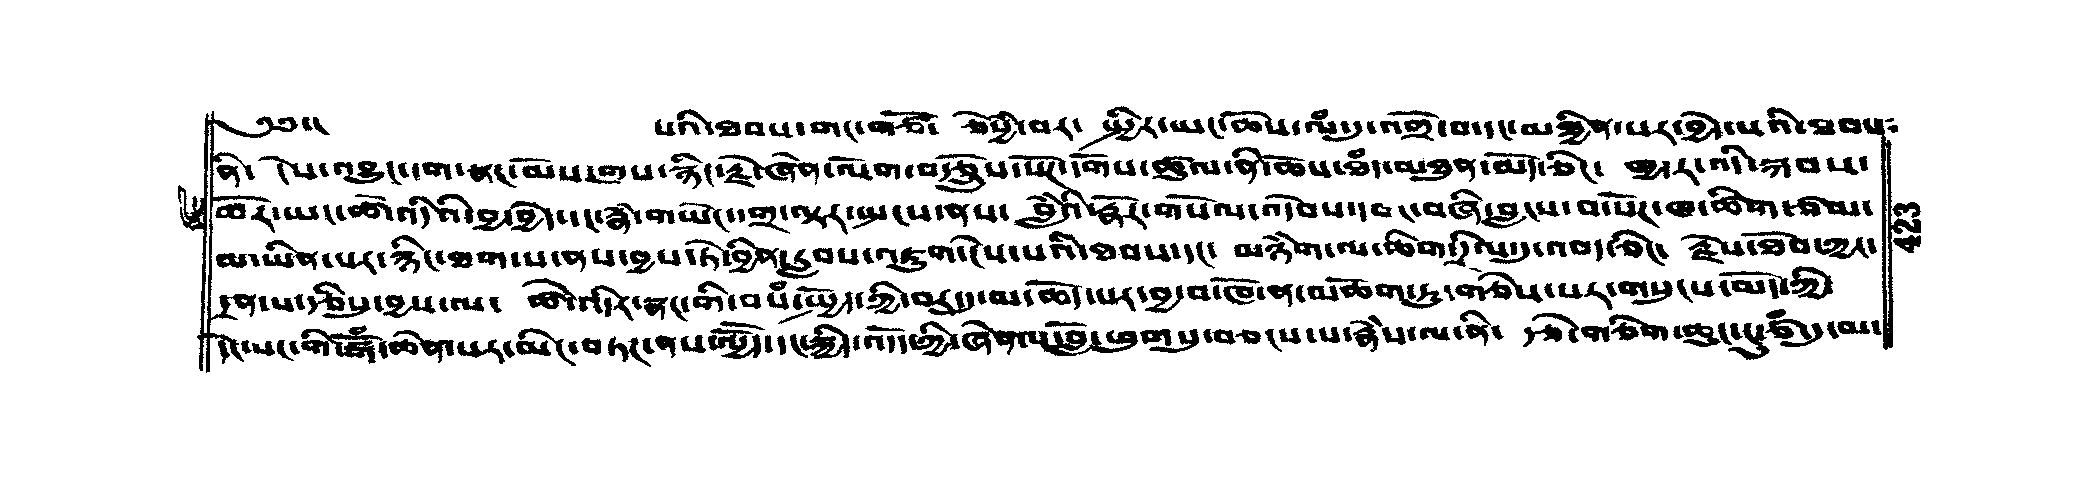པའི་ཐབས་གང་གཙོ་ཅེས་གསུངས་བར་སྤྱིར་ཡང་ཆོས་ལམ་དུ་འགྲོ་བ་དང་མཐའ་མཐུན་པར་བྱེད་པའི་ཐབས་
ནི། ངེས་བྱུང་དག་སྣང་མོས་གུས་སྙིང་རྗེ་ཞེན་ལོ་བརྩོན་འགྲུས་སོགས་དགོས་ཚུལ་ནི་ཆོས་ཐམས་ཅད་མཐུན་མོད་ཅིང་། ཁྱད་པར་འདི་སྐབས་
ཚོར་ཡང་ཚེ་འདིའི་བྱ་བྱེད་དང་རྣམ་གཡེང་དགྲ་ལྟར་སྤངས་ནས། བླ་མའི་རྣལ་འབྱོར་གསོལ་འདེབས་དབང་བཞི་བླངས་བ་སོགས་ཁ་ཚིག་ཙམ་
མ་ཡིན་པར་སྙིང་ཐག་པ་ནས་བྱས་ཏེ་བྱིན་རླབས་འཇུག་ངེས་པའི་ཐབས་དང་། མཉམ་གཞག་ལ་ཆིག་འདྲིལ་དུ་འབད་ཅིང་། རྗེས་ཐོབ་ཀྱང་
དྲན་པ་རྩིས་སུ་བྱས་ལ། ཚེ་འདི་སྣང་གི་བསམ་སྤྱོད་ཀྱི་བར་དུ་མ་ཆོད་པར་བྱ་བ་ཁོ་ན་མཆོག་ཏུ་གཅེས་པར་གསུང་མོད་ཀྱི། 
དིང་སང་གི་སྒོམ་ཆེན་པར་མིང་བཏགས་ནས་ལོངས་སྤྱོད་དང་སྐྱིད་འདོད་ཀྱི་ཞེན་པ་བློ་ཕུགས་སུ་བཅངས་པ་རྣམས་ལ་ནི། རྩེ་གཅིག་ཆུང་ངུ་ཙམ་དུ་མ་